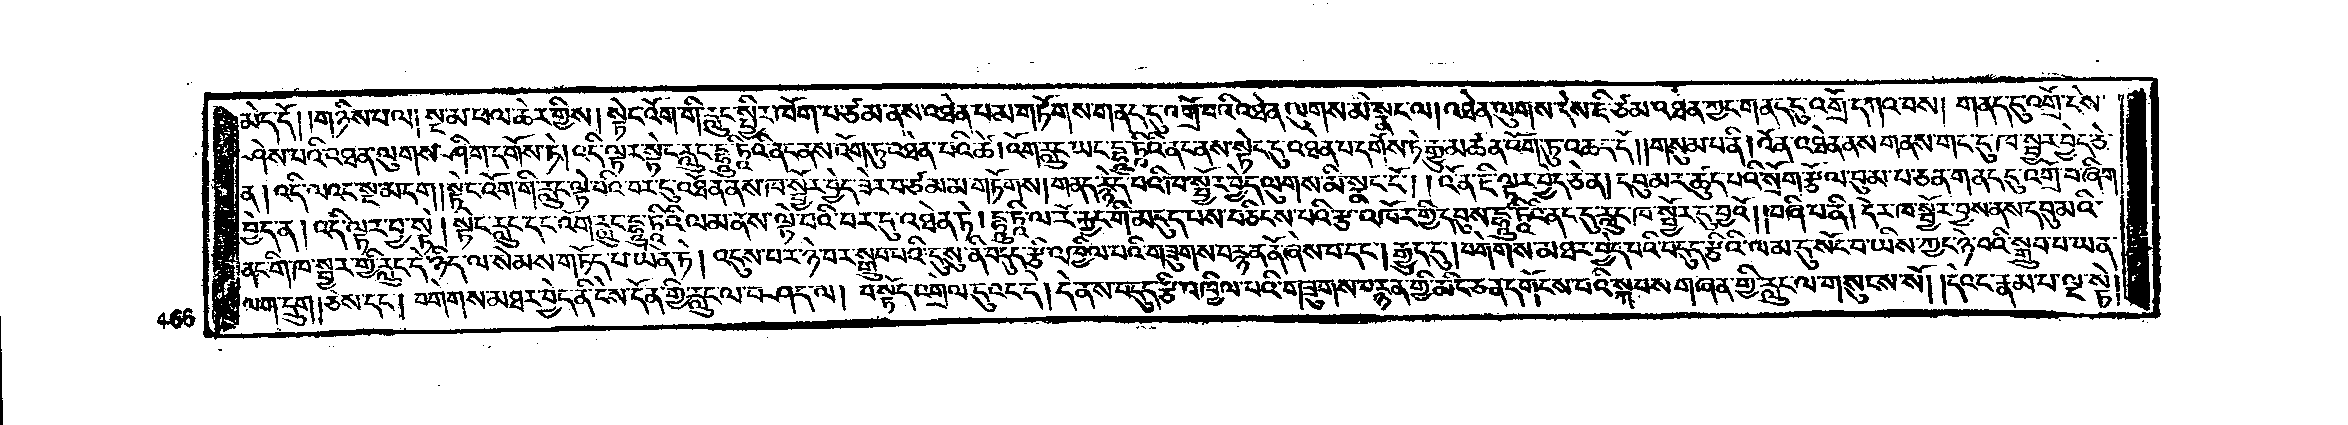མེད་དོ། །གཉིས་པ་ལ། སྔ་མ་ཕལ་ཆེར་གྱིས། སྟེང་འོག་གི་རླུང་སྤྱིར་ཁོག་པ་ཙམ་ནས་འཐེན་པ་མ་གཏོགས་གནད་དུ་འགྲོ་བའི་འཐེན་ལུགས་མི་སྣང་ལ། འཐེན་ལུགས་དེས་ཇི་ཙམ་འཐེན་ཀྱང་གནད་དུ་འགྲོ་དཀའ་བས། གནད་དུ་འགྲོ་ངེས་
ཤེས་པའི་འཐན་ལུགས་ཤིག་དགོས་ཏེ། འདི་ལྟར་སྟེང་རླུང་དྷཱུ་ཏཱིའི་ནང་ནས་འོག་ཏུ་འཐེན་པའི་ཚེ། འོག་རླུང་ཡང་དྷཱུ་ཏཱིའི་ནང་ནས་སྟེང་དུ་འཐེན་པ་དགོས་ཏེ་རྒྱུ་མཚན་འོག་ཏུ་འཆད་དོ། །གསུམ་པ་ནི། འོ་ན་འཐེན་ནས་གནས་གང་དུ་ཁ་སྦྱར་བྱེད་ཅེ་
ན། འདི་ལའང་སྔ་མ་དག །སྟེང་འོག་གི་རླུང་ལྟེ་བའི་བར་དུ་འཐོན་ནས་ཁ་སྦྱོར་བྱེད་ཟེར་བ་ཙམ་མ་གཏོགས། གནད་རྙེད་པའི་ཁ་སྦྱོར་བྱེད་ལུགས་མི་སྣང་ངོ། །འོ་ན་ཇི་ལྟར་བྱེད་ཅེ་ན། དབུ་མར་ཚུད་པའི་སྲོག་རྩོལ་བུམ་པ་ཅན་གནད་དུ་འགྲོ་བ་ཞིག་
བྱེད་ན། འདི་ལྟར་བྱ་སྟེ། སྟེང་རླུང་དང་འོག་རླུང་དྷཱུ་ཏཱིའི་ལམ་ནས་ལྟེ་བའི་བར་དུ་འཐེན་ཏེ། དྷཱུ་ཏཱི་ལ་རོ་རྐྱང་གི་མདུད་པས་བཅིངས་པའི་རྩ་འཁོར་གྱི་དབུས་དྷཱུ་ཏཱིའི་ནང་དུ་རླུང་ཁ་སྦྱོར་དུ་བྱའོ། །བཞི་པ་ནི། དེར་ཁ་སྦྱོར་བྱས་ནས་དབུ་མའི་
ནང་གི་ཁ་སྦྱར་གྱི་རླུང་དེ་ཉིད་ལ་སེམས་གཏོད་པ་ཡིན་ཏེ། འདུས་པར་ཉེ་བར་སྒྲུབ་པའི་དུས་སུ་ནི་བདུད་རྩི་འཁྱིལ་པའི་གཟུགས་བརྙན་ནོ་ཞེས་པ་དང་། རྒྱུད་དུ། བགེགས་མཐར་བྱེད་པའི་བདུད་རྩིའི་ལམ་དུ་སོང་བ་ཡིས་ཀྱང་ཉེ་བའི་སྒྲུབ་པ་ཡན་
ལག་དྲུག །ཅེས་དང་། བགེགས་མཐར་བྱེད་ནི་ངེས་དོན་གྱི་རླུང་ལ་བཤད་ལ། བསྟོད་འགྲེལ་དུའང་དེ། དེ་ནས་བདུད་རྩི་འཁྱིལ་པའི་གཟུགས་བརྙན་གྱི་མིང་ཅན་དགོངས་པའི་སྐབས་གཞན་གྱི་རླུང་ལ་གསུངས་སོ། །དེའང་རྣམ་པ་ལྔ་སྟེ།